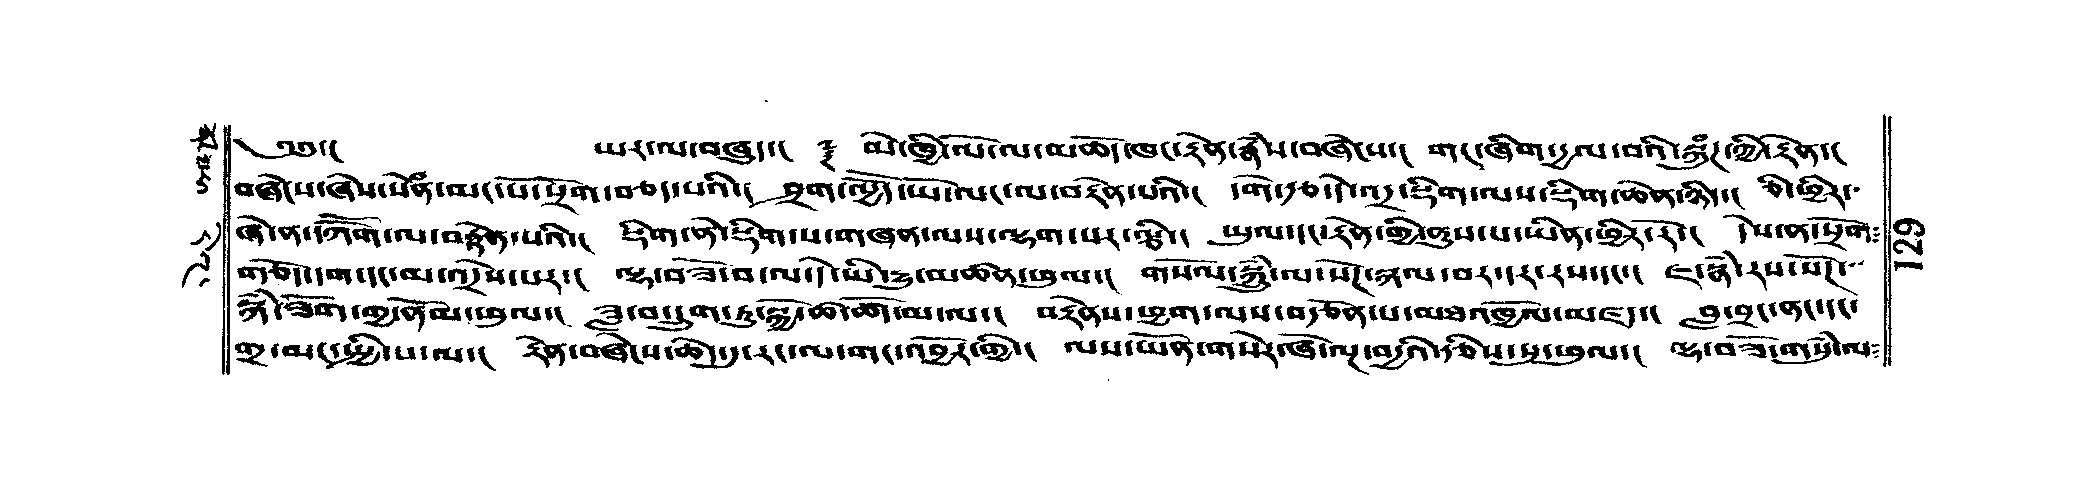ཡར་ལ་བཞུད། །མེ་ཁྱི་ལོ་ལ་མཆོད་ཁང་རྟེན་རྣམས་བཞེངས། །གང་ཞིག་རྒྱལ་བའི་སྐུ་གསུང་ཐུགས་ཀྱི་རྟེན། །
བཞེངས་ཞེས་སེམས་ཅན་མང་པོ་སྲོག་བཅད་པའི། །ཤ་ཁྲག་ལོངས་སྤྱོད་ཡོ་ལང་ལ་བརྟེན་པའི། །དགེ་རྩ་དེ་འདྲ་སྡིག་ལས་སྡིག་ཆེན་ཉིད། །ཅི་ཕྱིར་
ཞེ་ན་དཀོན་མཆོག་ལ་བརྟེན་པའི། །སྡིག་ནི་སྡིག་པ་གཞན་ལས་ལྷག་པར་ལྕི། །ཡུལ་དང་རྟེན་གྱི་ནུས་པ་ཡིན་ཕྱིར་རོ། །དེས་ན་སྲོག་
གཅོད་དག་དང་མ་འདྲེས་པར། །ལྷ་བཟོ་བ་ལ་དེ་ཡི་རྒྱུ་མཚན་ཕུལ། །གསོལ་སྐྲུམ་ལ་སོགས་སྐལ་བར་དར་རས་དང་། །ཇ་སྣམ་རས་སོགས་
སྐམ་ཟོག་གྱ་ནོམ་ཕུལ། །ཟླ་བ་དྲུག་ཏུ་སྐྱོ་ཚ་ཚོད་མ་ལ། །བརྟེན་ནས་ཕྱག་ལས་བརྩོན་པ་མཐའ་འཁྱོལ་མཛད། །བླ་བྲང་ནང་དང་
གྲྭ་མང་སྤྱི་པ་ལ། །རྟེན་བཞེངས་ཆེད་དུ་རང་ལ་གང་འབྱོར་གྱི། །ལས་ཡོན་གསེར་ཞོ་ལྔ་བརྒྱའི་རྩིས་སུ་ཕུལ། །ལྷ་བཟོ་གསུམ་ལ་